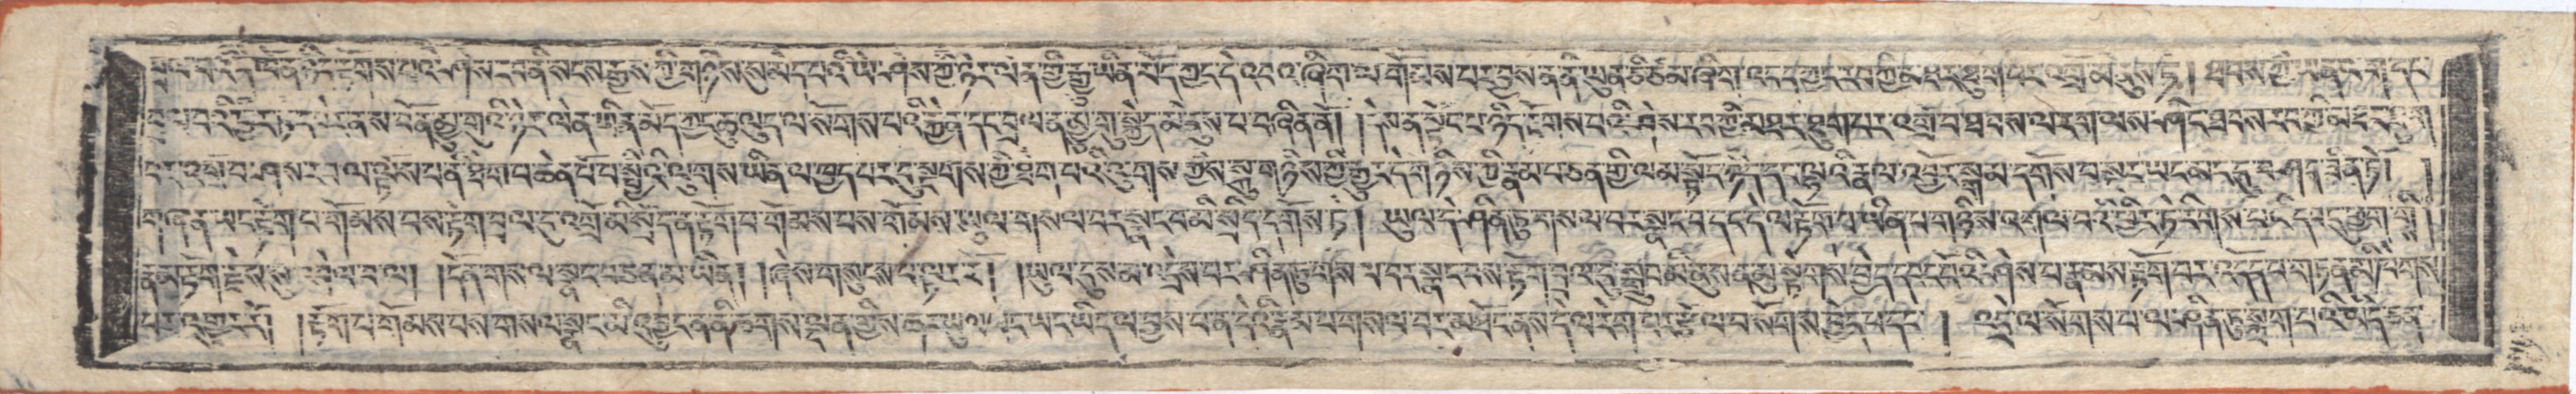བྲལ་བའི་དེ་ཁོ་ན་ཉིད་རྟོགས་པའི་ཤེས་རབ་ནི་སངས་རྒྱས་ཀྱི་གཉིས་སུ་མེད་པའི་ཡེ་ཤེས་ཀྱི་ཉེར་ལེན་གྱི་རྒྱུ་ཡིན་མོད་ཀྱང་དེ་འབའ་ཞིག་ལ་གོམས་པར་བྱས་ན་ནི་ཡུན་ཅི་ཙམ་ཞིག་འདོད་ཀྱང་རབ་ཀྱི་མཐར་ཐུག་པར་འགྲོ་མི་ནུས་ཏེ། ཐབས་ཀྱི་ཡན་ལག་དང་
བྲལ་བའི་ཕྱིར་ཏེ་དཔེར་ན་ས་བོན་མྱུ་གུའི་ཉེར་ལེན་ཡིན་མོད་ཀྱང་ཆུ་ལུད་ལ་སོགས་པའི་རྐྱེན་དང་བྲལ་ན་མྱུ་གུ་སྐྱེད་མི་ནུས་པ་བཞིན་ནོ། །དེས་ན་སྟོང་པ་ཉིད་རྟོགས་པའི་ཤེས་རབ་ཀྱི་མཐར་ཐུག་པར་འགྲོ་བ་ཐབས་ལ་རག་ལས་ཤིང་ཐབས་རབ་ཀྱི་མཐར་ཐུག་
བར་འགྲོ་བ་ཤེས་རབ་ལ་ལྟོས་པ་ནི་ཐེག་པ་ཆེན་པོ་པ་སྤྱིའི་ལུགས་ཡིན་ལ་ཁྱད་པར་དུ་སྔགས་ཀྱི་ཐེག་པའི་ལུགས་ཀྱིས་སྐུ་གཉིས་ཀྱི་རྒྱུར་དེ་གཉིས་ཀྱི་རྣམ་པ་ཅན་གྱི་ལམ་སྟོང་ཉིད་དང་ལྷའི་རྣལ་འབྱོར་སྒམ་དགོས་པ་སྔར་ཡང་མང་དུ་བཤད་ཟིན་ཏོ། །
གཞན་ཡང་རྟོག་པ་གོམས་པས་རྟོག་བྲལ་དུ་འགྲོ་མི་སྲིད་ན་རྟོག་པ་གོམས་པས་གོམས་ཡུལ་གསལ་བར་སྣང་བ་མི་སྲིད་དགོས་ཏེ། ཡུལ་དེ་ཤིན་ཏུ་གསལ་བར་སྣང་བ་དང་དེ་ལ་རྟོག་པ་ཡིན་པ་གཉིས་འགལ་བའི་ཕྱིར་ཏེ་རིགས་པའི་དབང་ཕྱུག་གིས།
རྣམ་རྟོག་རྗེས་སུ་འབྲེལ་བ་ལ། །དོན་གསལ་སྣང་བ་ཅན་མ་ཡིན། །ཞེས་གསུངས་པ་ལྟར་རོ། །ཡུལ་དུས་མ་འདྲེས་པར་ཤིན་ཏུ་གསལ་བར་སྣང་བས་རྟོག་བྲལ་དུ་སྒྲུབ་མི་ནུས་ན་མུ་སྟེགས་བྱེད་དབང་པོའི་ཤེས་པ་རྣམས་རྟོག་པར་འདོད་པ་གཏན་མི་ཁེགས་
པར་འགྱུར་རོ། །རྟོག་པ་གོམས་པས་གསལ་སྣང་མི་འབྱུང་ན་ནི་ཆགས་ལྡན་གྱིས་ཆར་ཡུལ་ཡང་ཡང་ཡིད་ལ་བྱས་པ་ན་དེའི་རྣམ་པ་གསལ་བར་མཐོང་ནས་དེ་ལ་རེག་པར་རྩོལ་བ་སོགས་བྱེད་པ་དང་།འདྲེ་ལ་སོགས་པ་ལ་ཤིན་ཏུ་སྐྲག་པའི་ཡིད་ཅན་